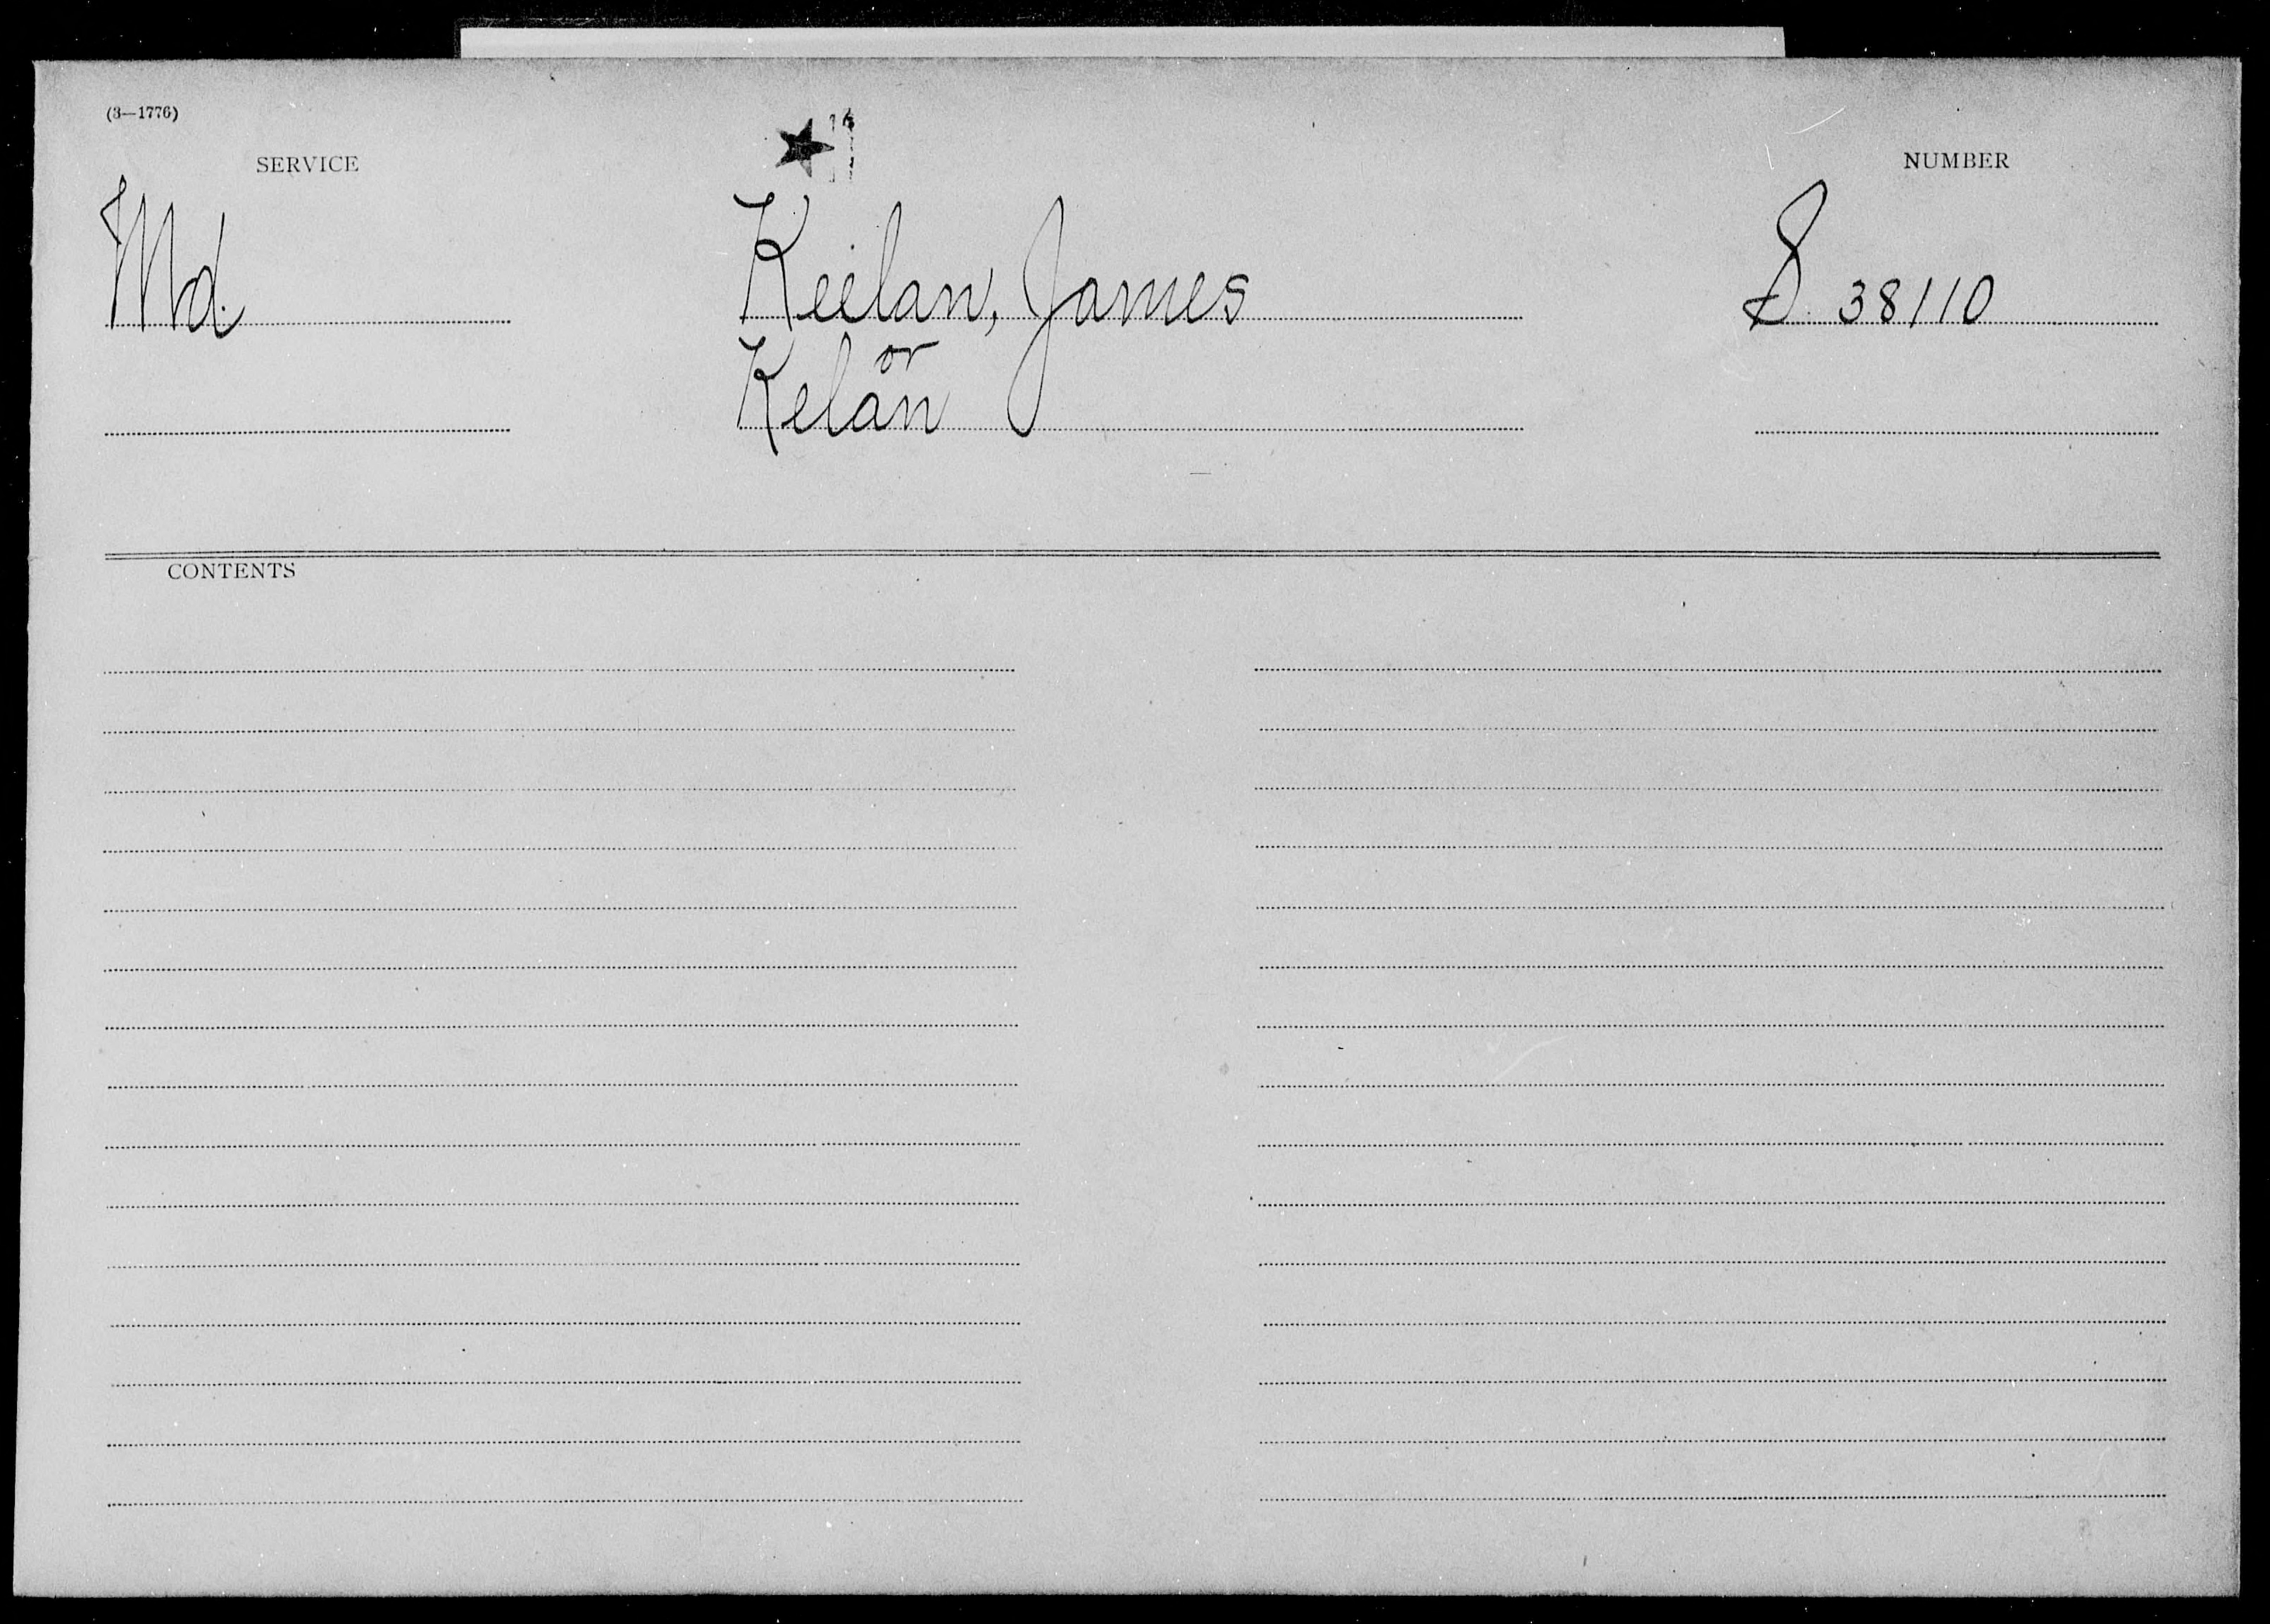(3 - 1776 )

SERVICE
Md

Keilan, James
or
Kelan

NUMBER
S.38110

CONTENTS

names: James Kelan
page: 1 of 16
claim: survivor's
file: S. 38110, for James Keelan, Maryland